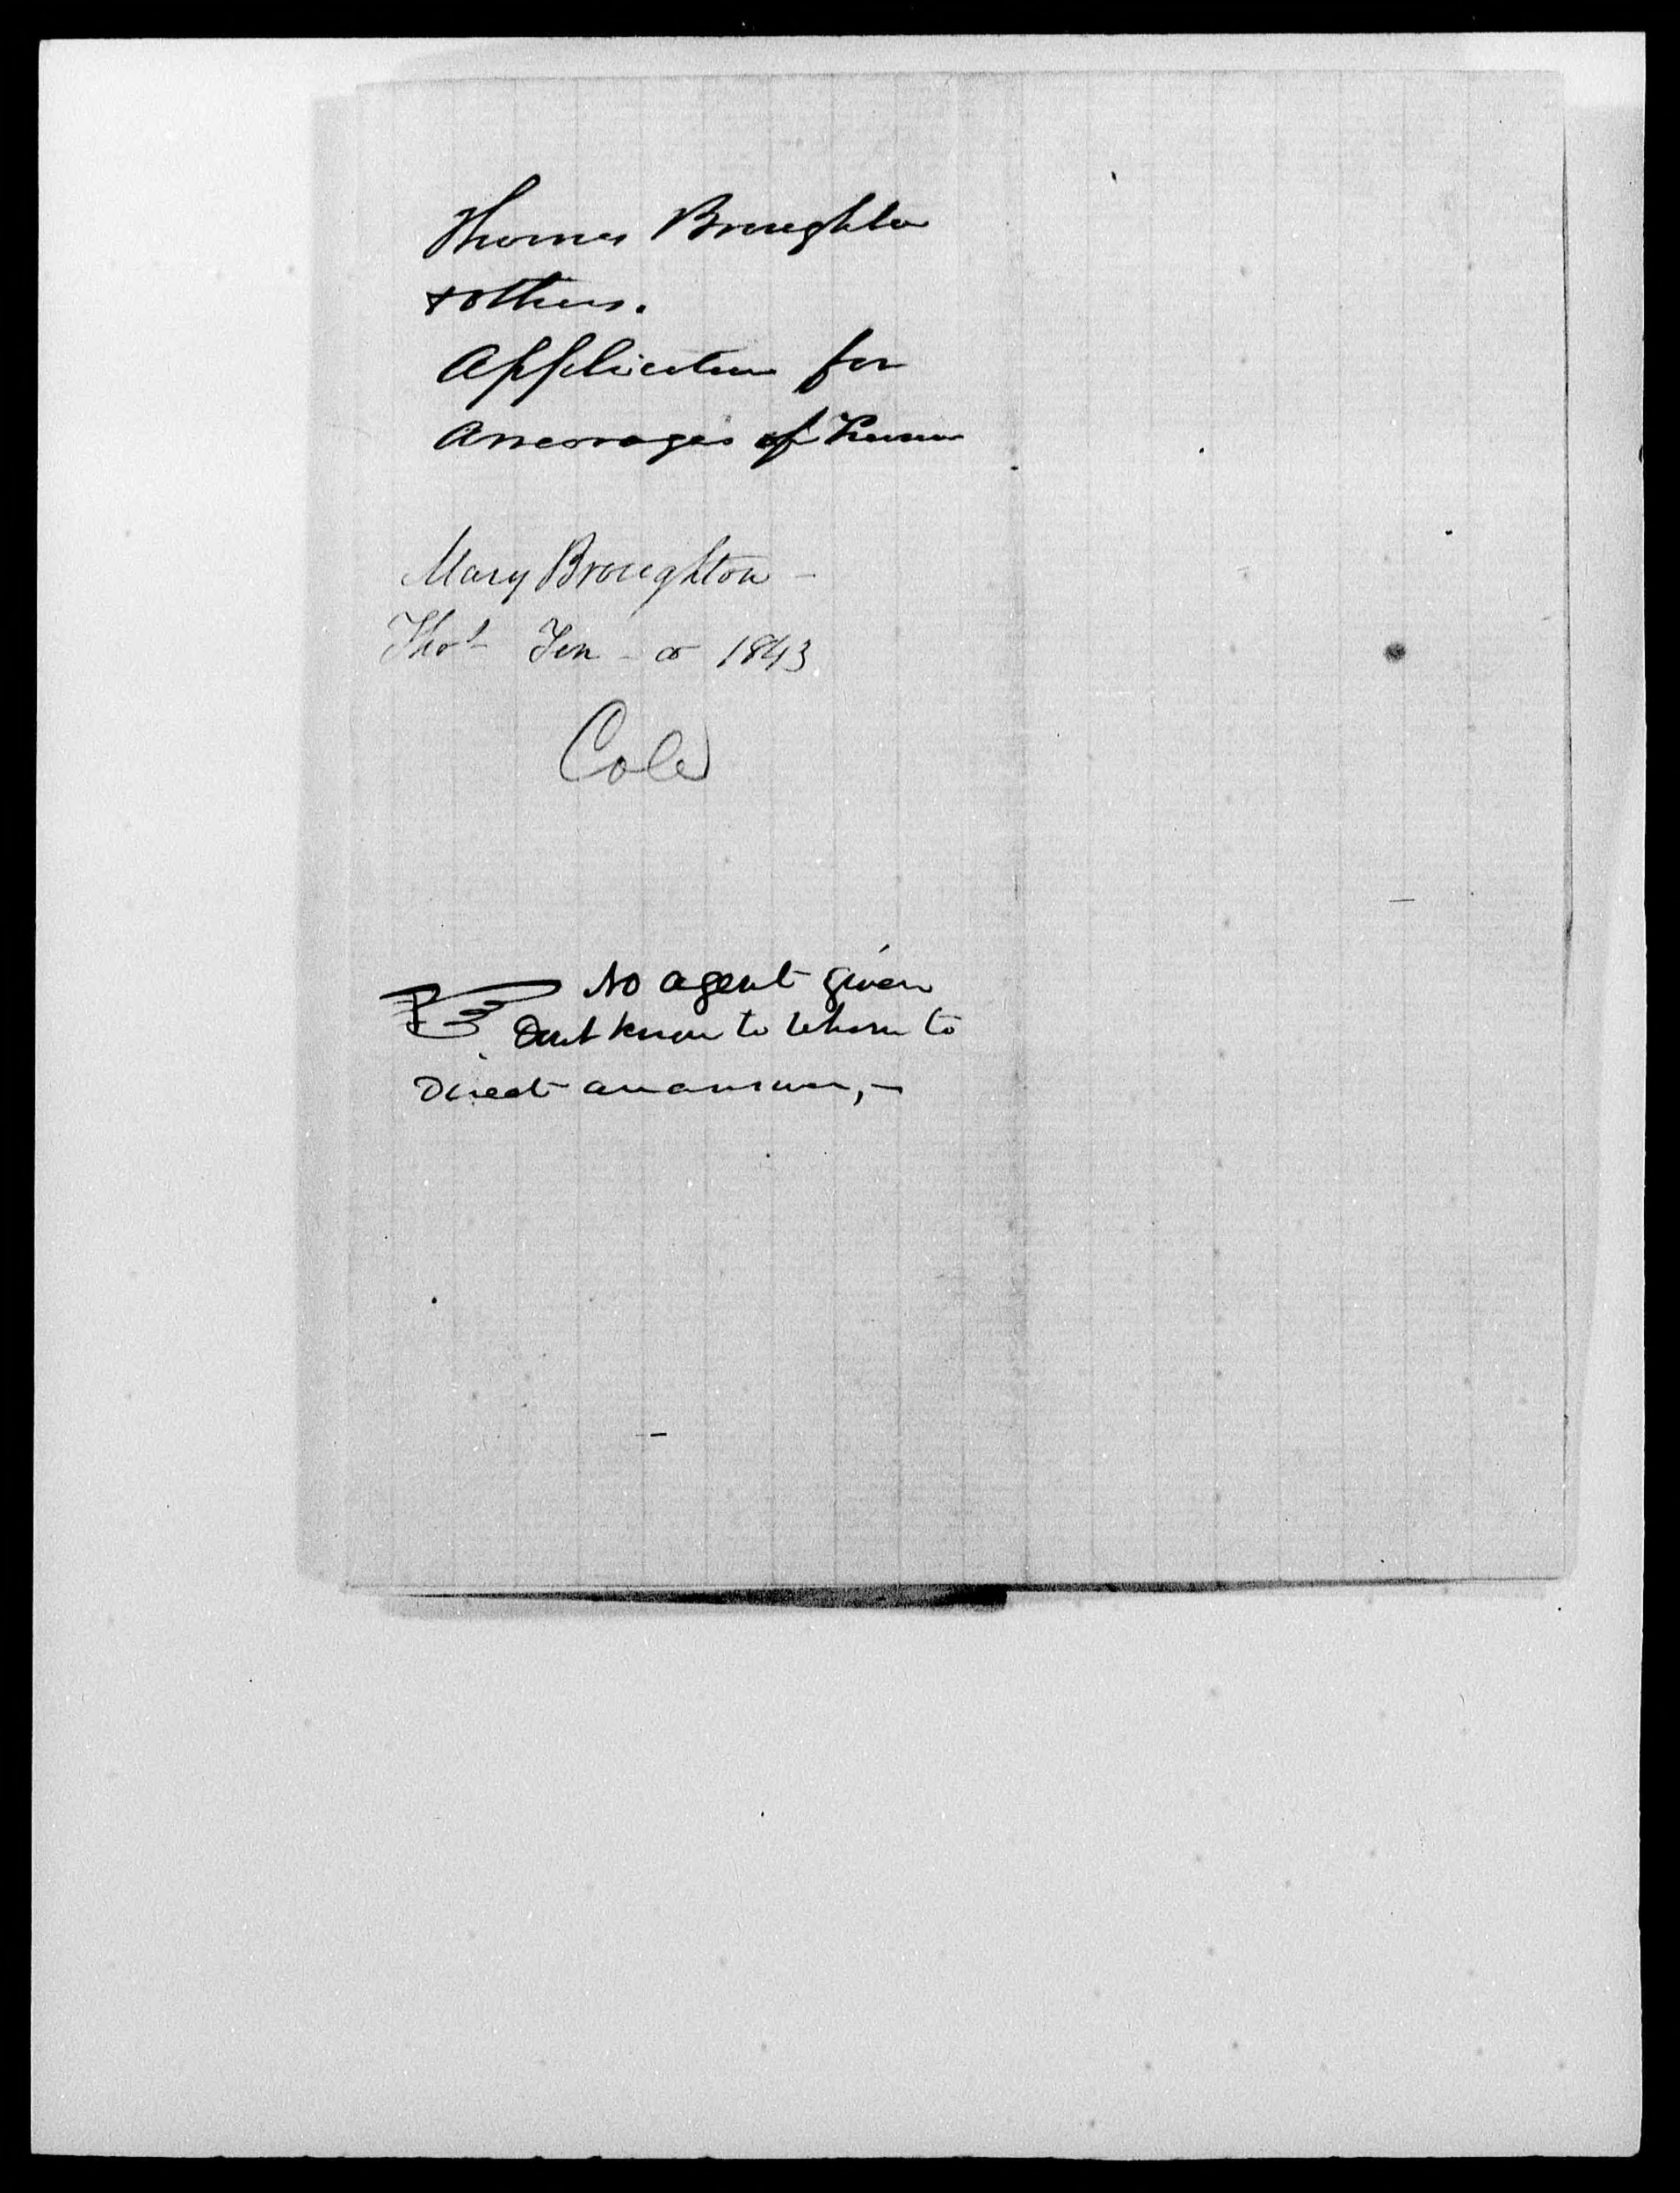Thomas Broughton
& others.
Application for
arrearages of Pension
Mary Broughton
Thos Ten or 1843
Cole
No agent given
Just know to whom to
Direct an answer-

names: Thomas Broughton, Mary Broughton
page: 42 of 72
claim: widow's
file: W. 897, Thomas Broughton, S.C.